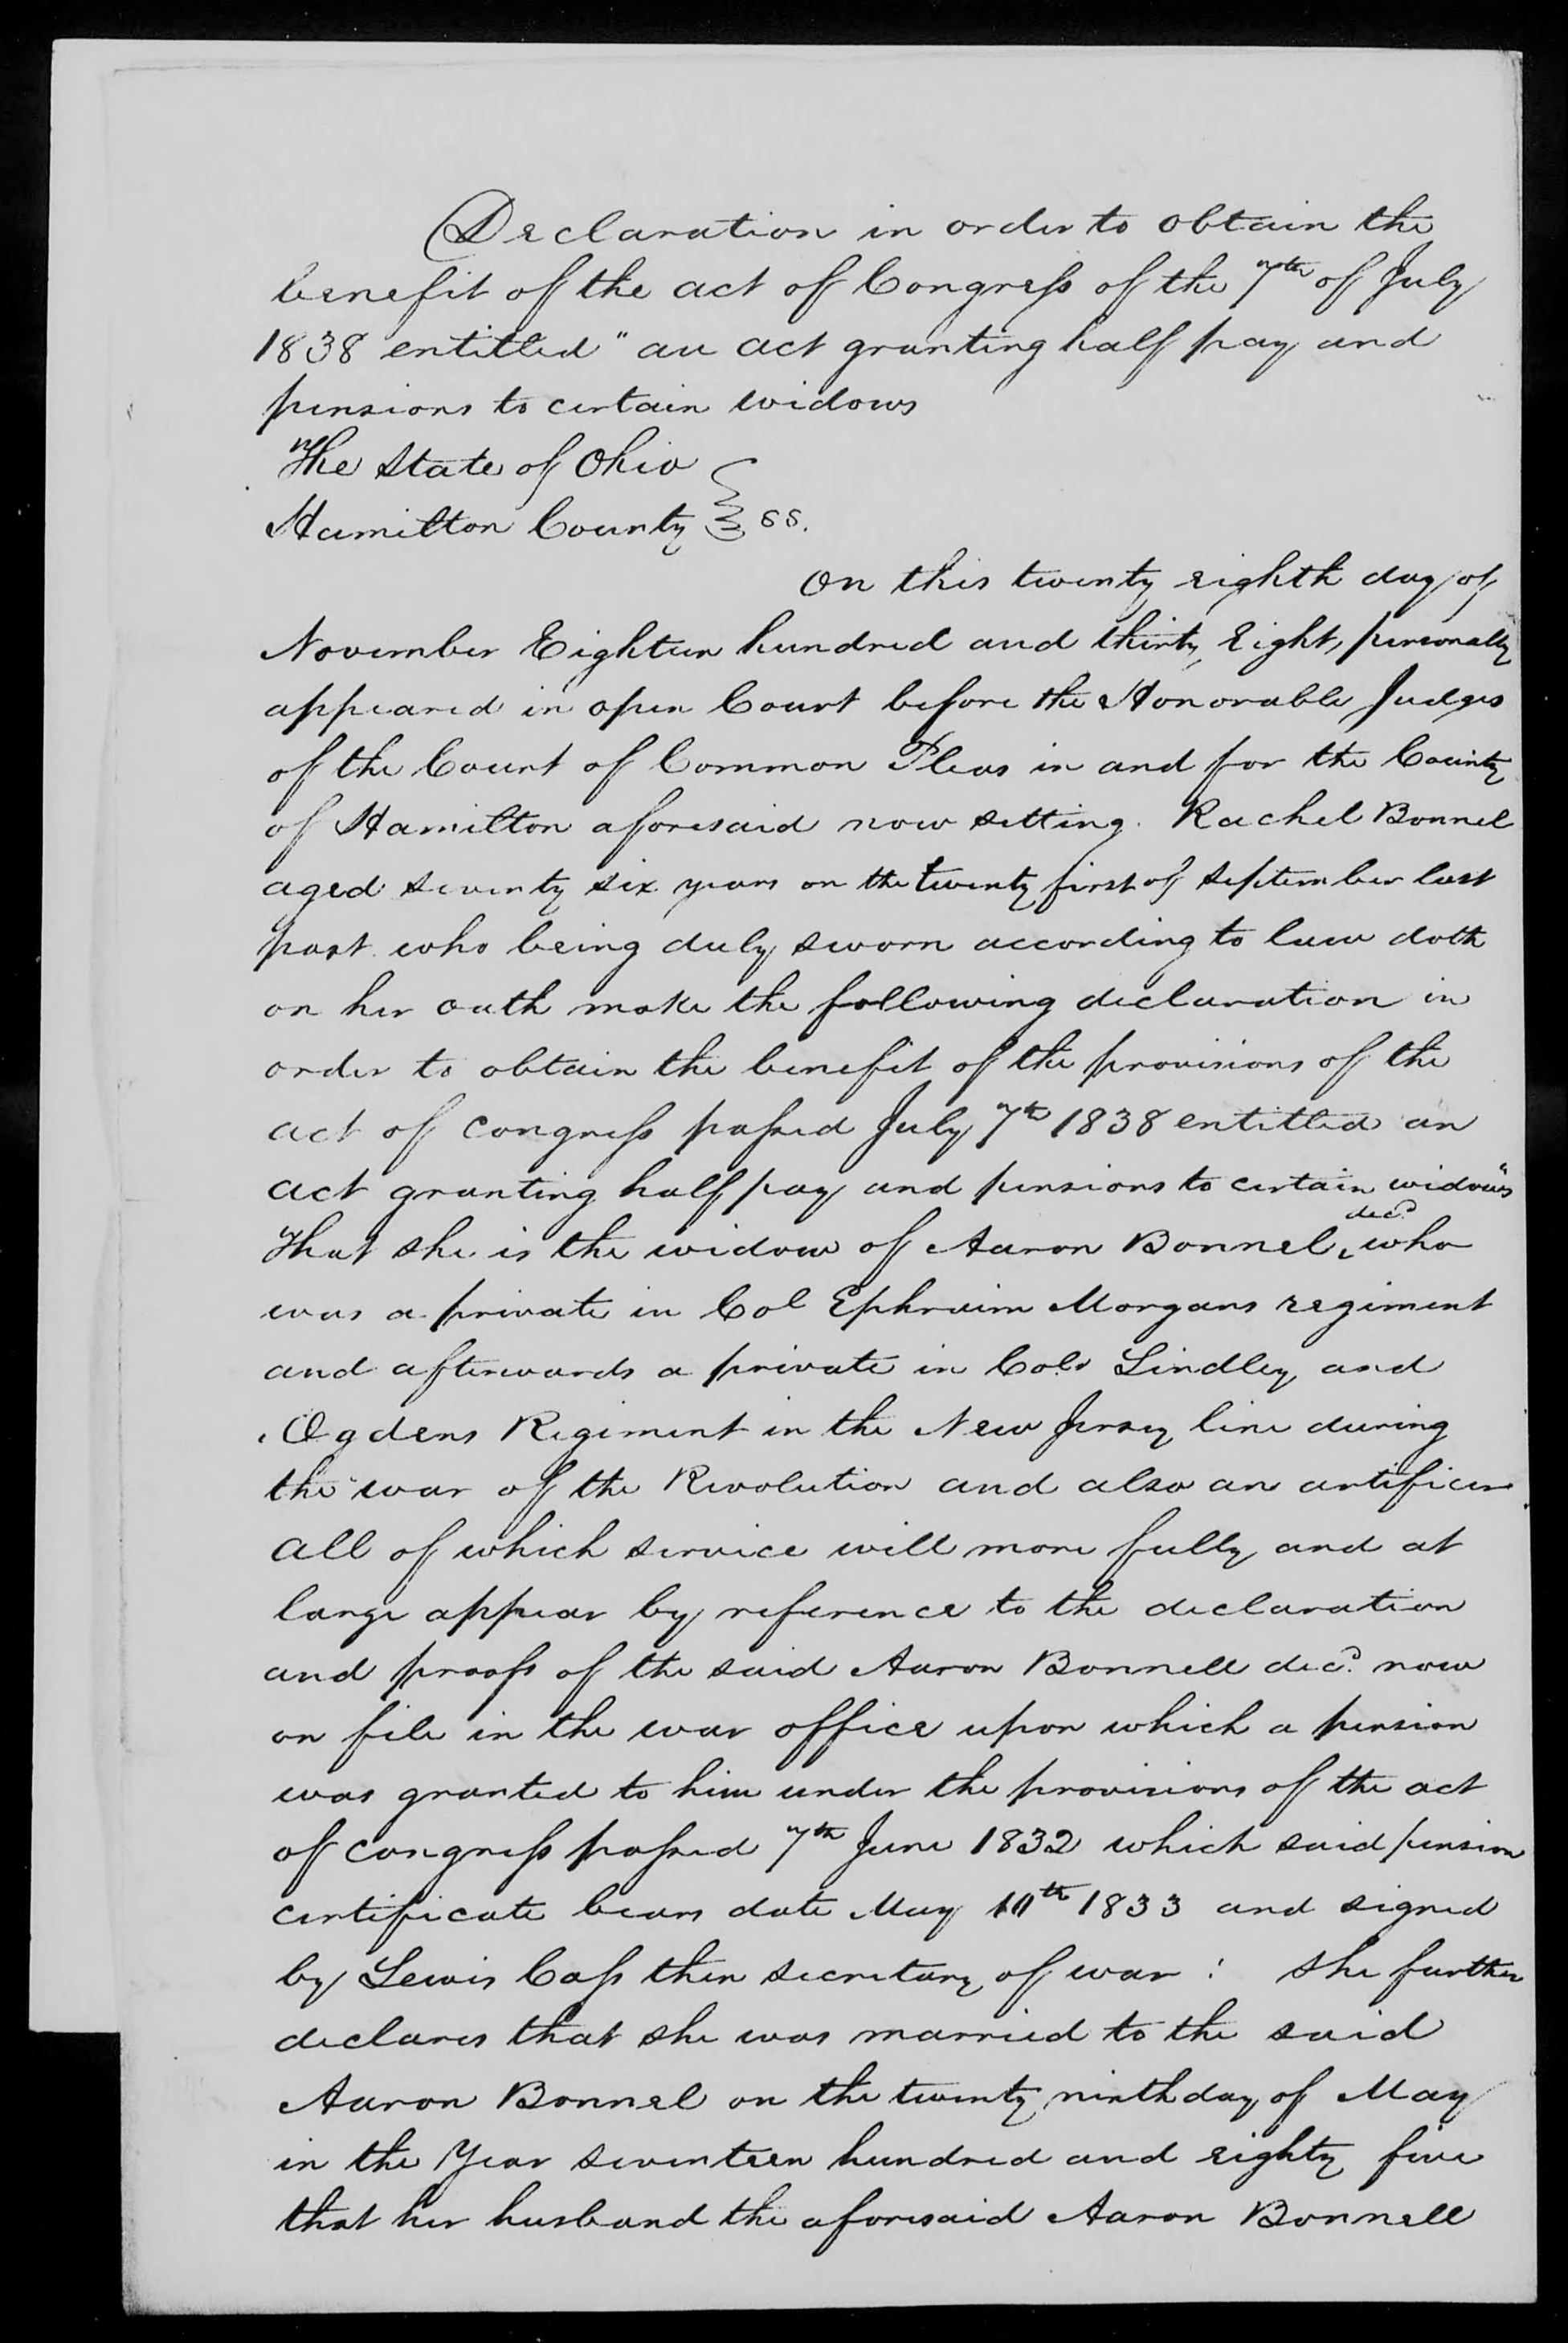Declaration in order to obtain the benefit of the act of Congress of the 7th of July 1838 entitled "an act granting half pay and pensions to certain widows"
The State of Ohio
Hamilton County }ss.
On this twenty eighth day of November eighteen hundred and thirty eight, personally appeared in open Court before the Honorable Judges of the Court of Common Pleas in and for the County of Hamilton aforesaid now sitting Rachel Bonnel aged seventy six years on the twenty first of September last past who being duly sworn according to law doth on her oath make the following declaration in order to obtain the benefit of the provisions of the act of Congress passed July 7th 1838 entitled "an act granting half pay and pensions to certain widows".  That she is the widow of Aaron Bonnel decd, who was a private in Col. Ephraim Morgans regiments and afterwards a private in Col. Lindley and Ogden's regiment in the New Jersey line during the war of the Revolution and also an artificer, all of which service will more fully and at large appear by reference to the declaration and proofs of the said Aaron Bonnell decd, now on file in the war office upon which a pension was granted to him under the provision of the act of Congress passed 7th June 1832 which said pension certificate bears date May 10th 1833 and signed by Lewis Cass then Secretary of War.  She further declares that she was married to the said Aaron Bonnel on the twenty ninth day of May in the year seventeen hundred and eighty five, that her husband the aforesaid Aaron Bonnell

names: Aaron Bonnel, Rachel Bonnel, Aaron Bonnel, Aaron Bonnell, Lewis Cass, Aaron Bonnell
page: 12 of 67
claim: rejected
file: R. 1009, Aaron Bonnel, New Jersey